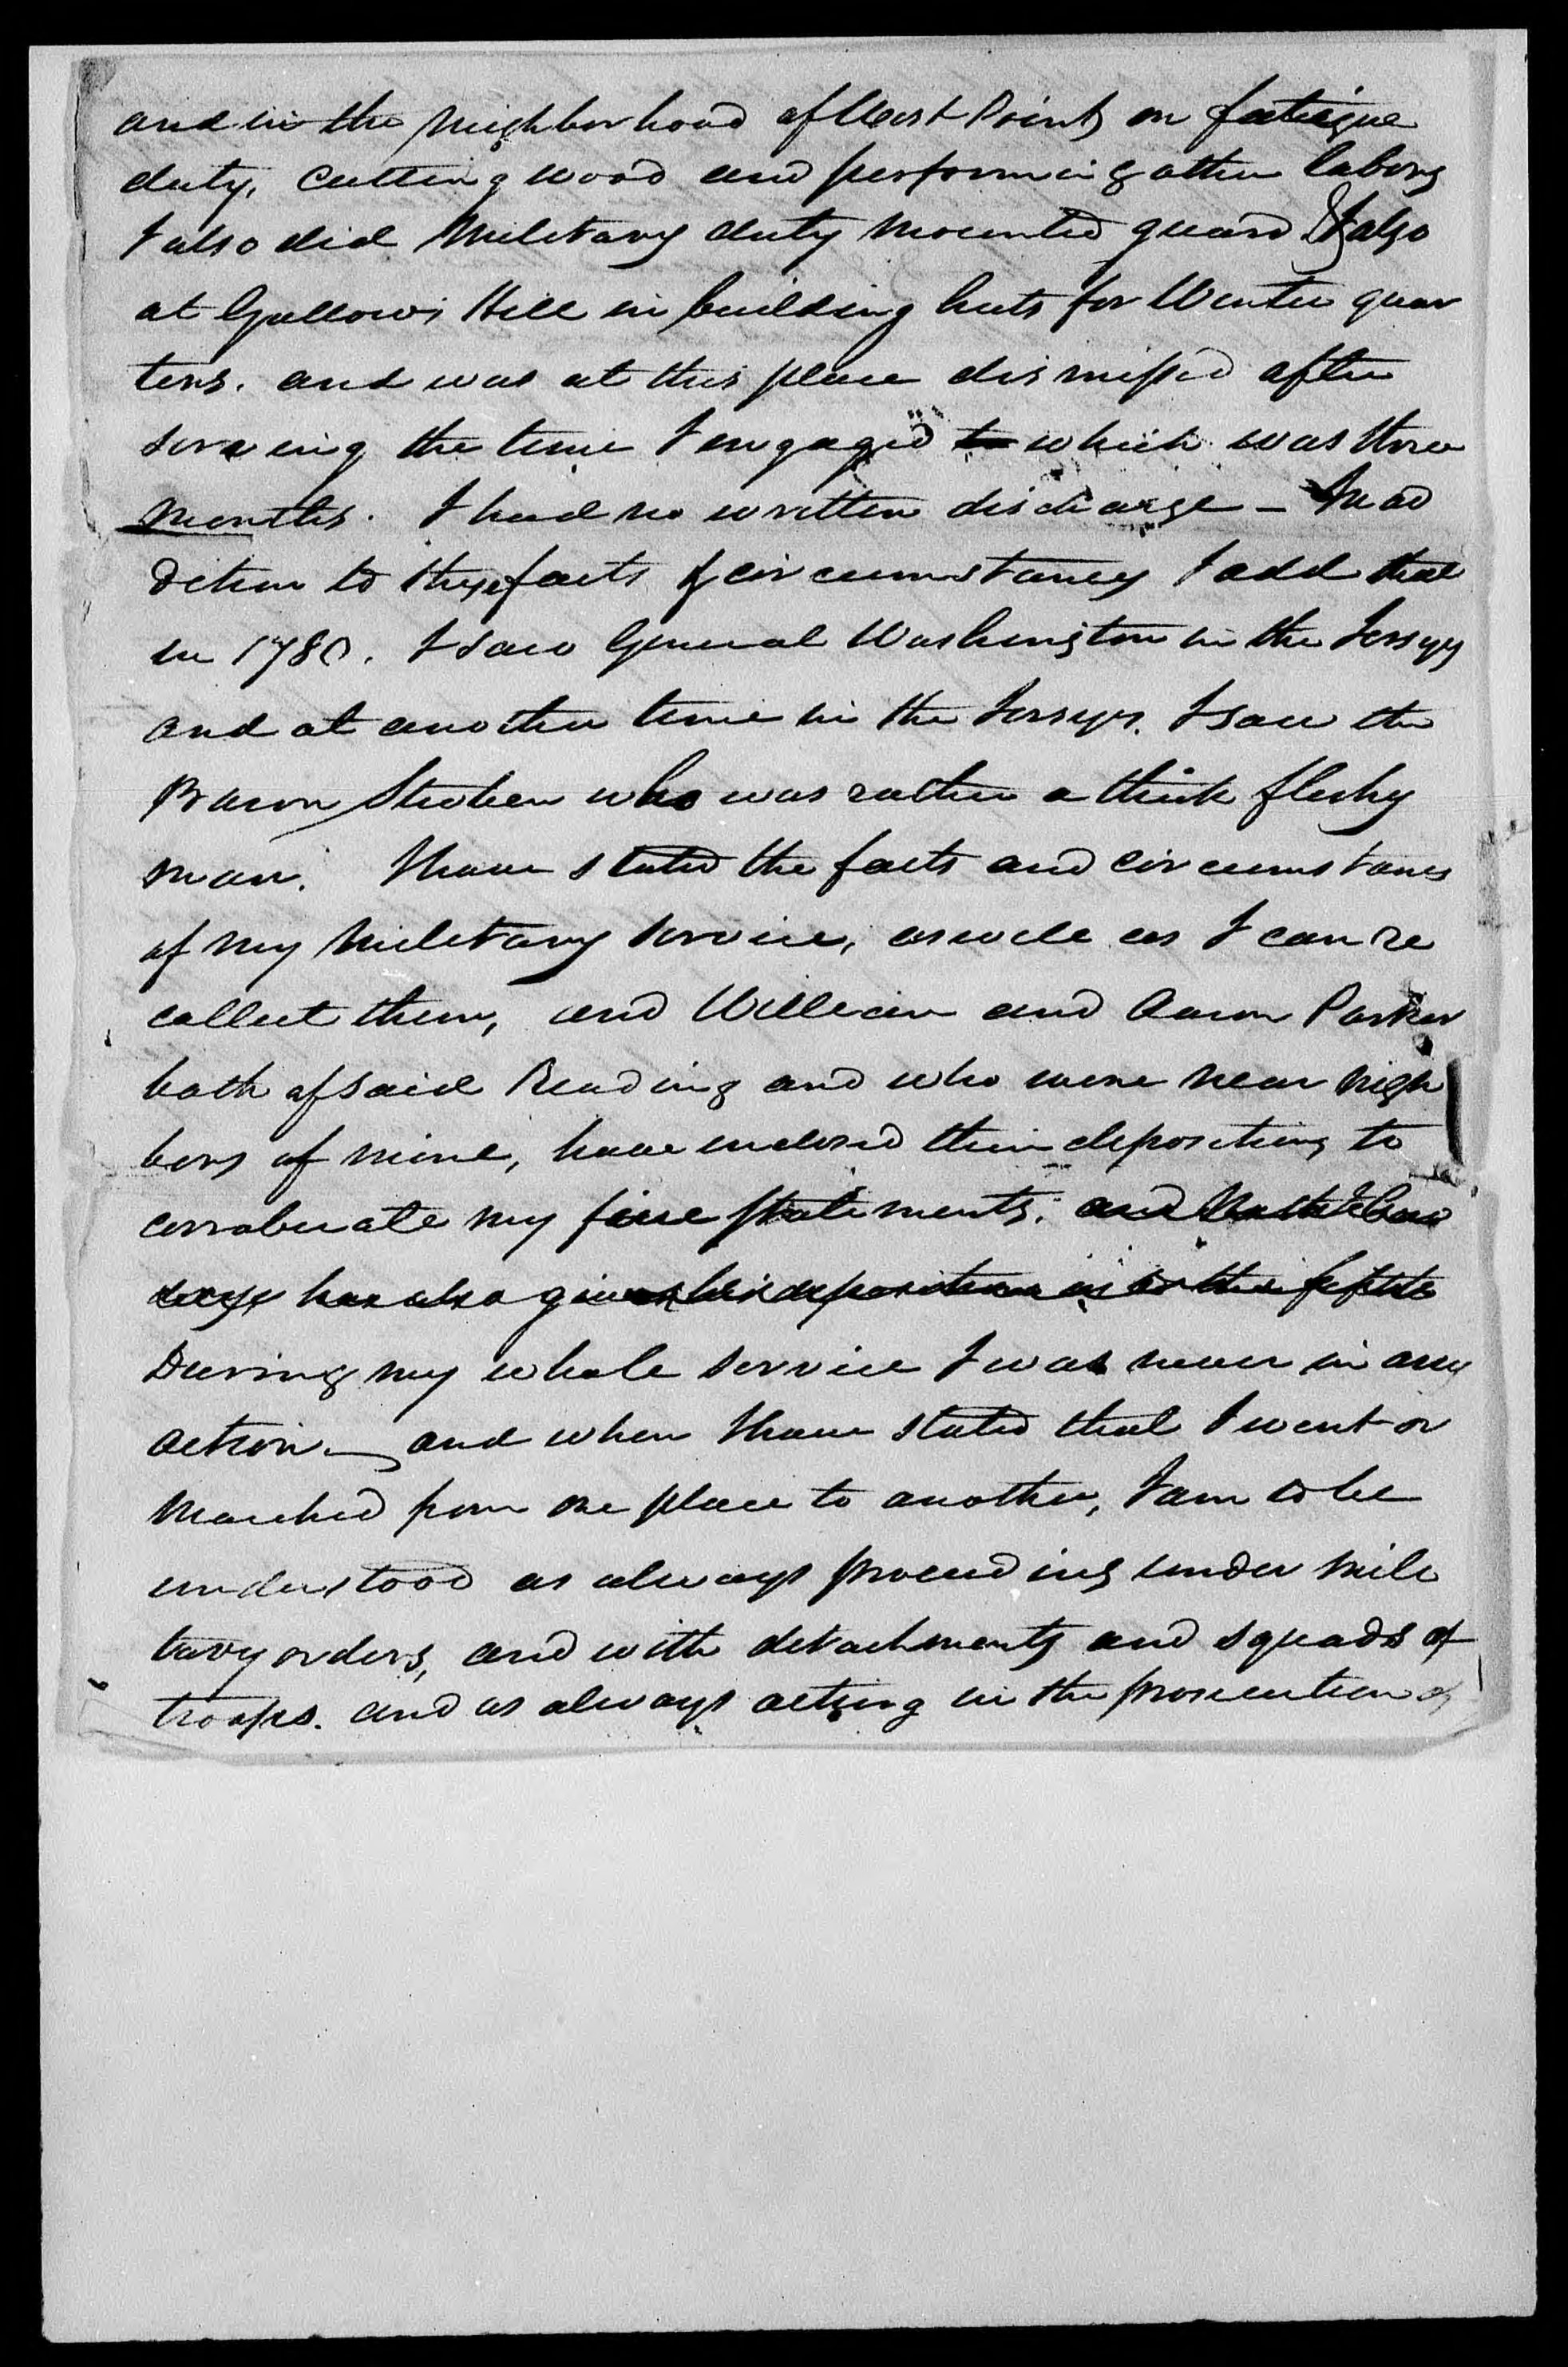and in the neighborhood of West Point, on fatigue duty, cutting wood and performing other labors, I also did Military mounted guard & also at Gallows Hill in building huts for Winter quarters and was at this place dismissed after serving the time I engaged which was three months. I had no written discharge - In addition to the facts & circumstances I add that in 1780 I saw General Washington in the Jerseys and at another time in the Jerseys I saw the Baron Steuben who was rather a thick fleshy man. I have stated the facts and circumstances of my Military Service as well as I can recollect them and William and Aaron Parker both of said Reading and who were near neighbors of mine have enclosed their deposition to corroborate my     statements. During my whole service I was never in any action - and when I have stated that I went or marched from one place to another I am to be understood as always proceeding under military orders, and with detachments and squads & troops and as always acting in the prosecution of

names: Aaron Parker, William Parker, Washington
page: 8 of 28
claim: survivor's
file: S. 17376, Joseph Damon, Continental Mass.